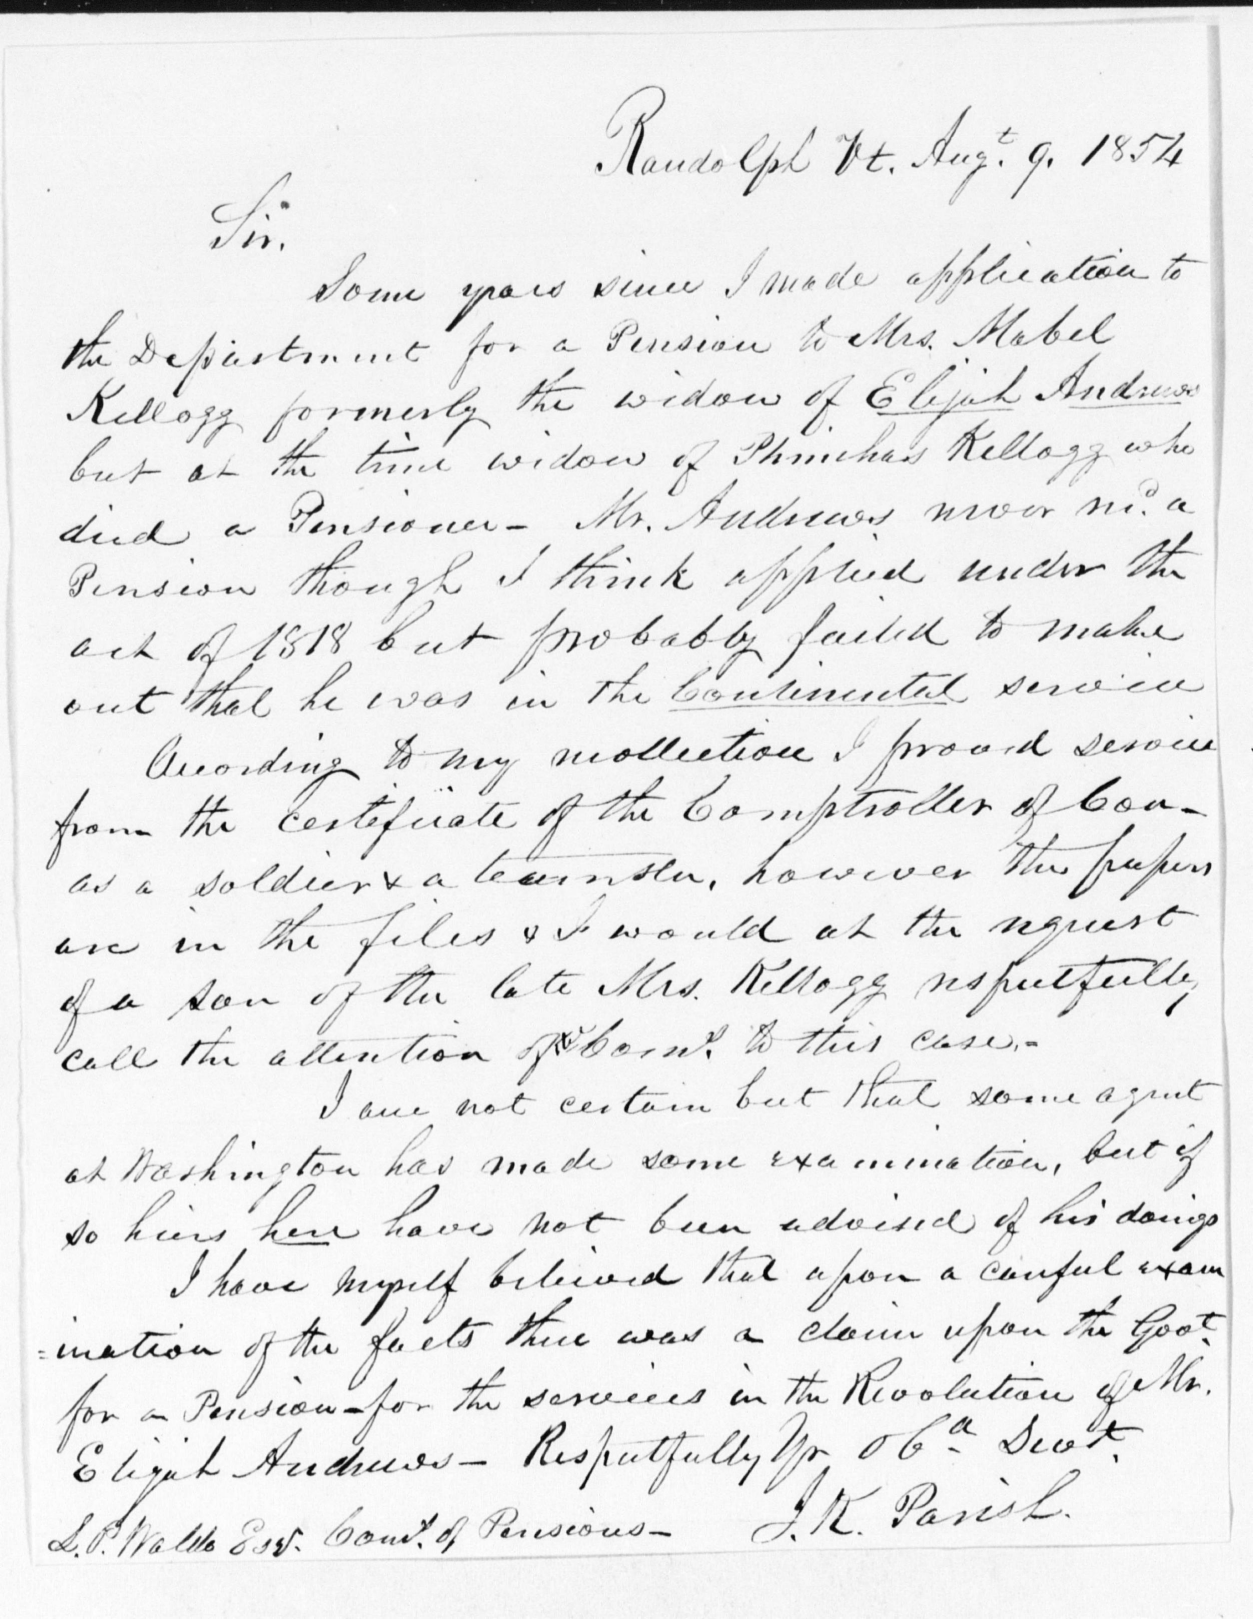Randolph Vt. Aug. 9. 1854
Sir,
  Some years since I made application to the Department for a Pension to Mrs. Mabel Kellogg formerly the widow of Elijah Andrews but at the time widow of Phinehas Kellogg who died a Pensioner.  Mr. Andrews never recd. a Pension though I think applied under the act of 1818 but probably failed to make out that he was in the Continental service
  According to my recollection I proved service from the certificate of the Comptroller of Con. as a soldier & a teamster, however the papers are in the files & I would at the request of a son of the late Mrs. Kellogg respectfully call the attention of the Comr. to this case.
  I am not certain but that same agent at Washington has made some examination, but if so heirs here have not been advised of his doings
  I have myself believed that upon a careful examination of the facts there was a claim upon the Govt. for a Pension for the services in the Revolution of Mr. Elijah Andrews - Respectfully Yr obt Servt.
J.K. Parish
L.P. Walde Esq. Court of Pensions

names: Mabel Kellogg, Andrews, Phinehas Kellogg, L P Walde, J K Parish, Kellogg, Elijah Andrews, Elijah Andrews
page: 7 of 19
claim: rejected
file: R. 5836, Elijah Andrews, Conn.